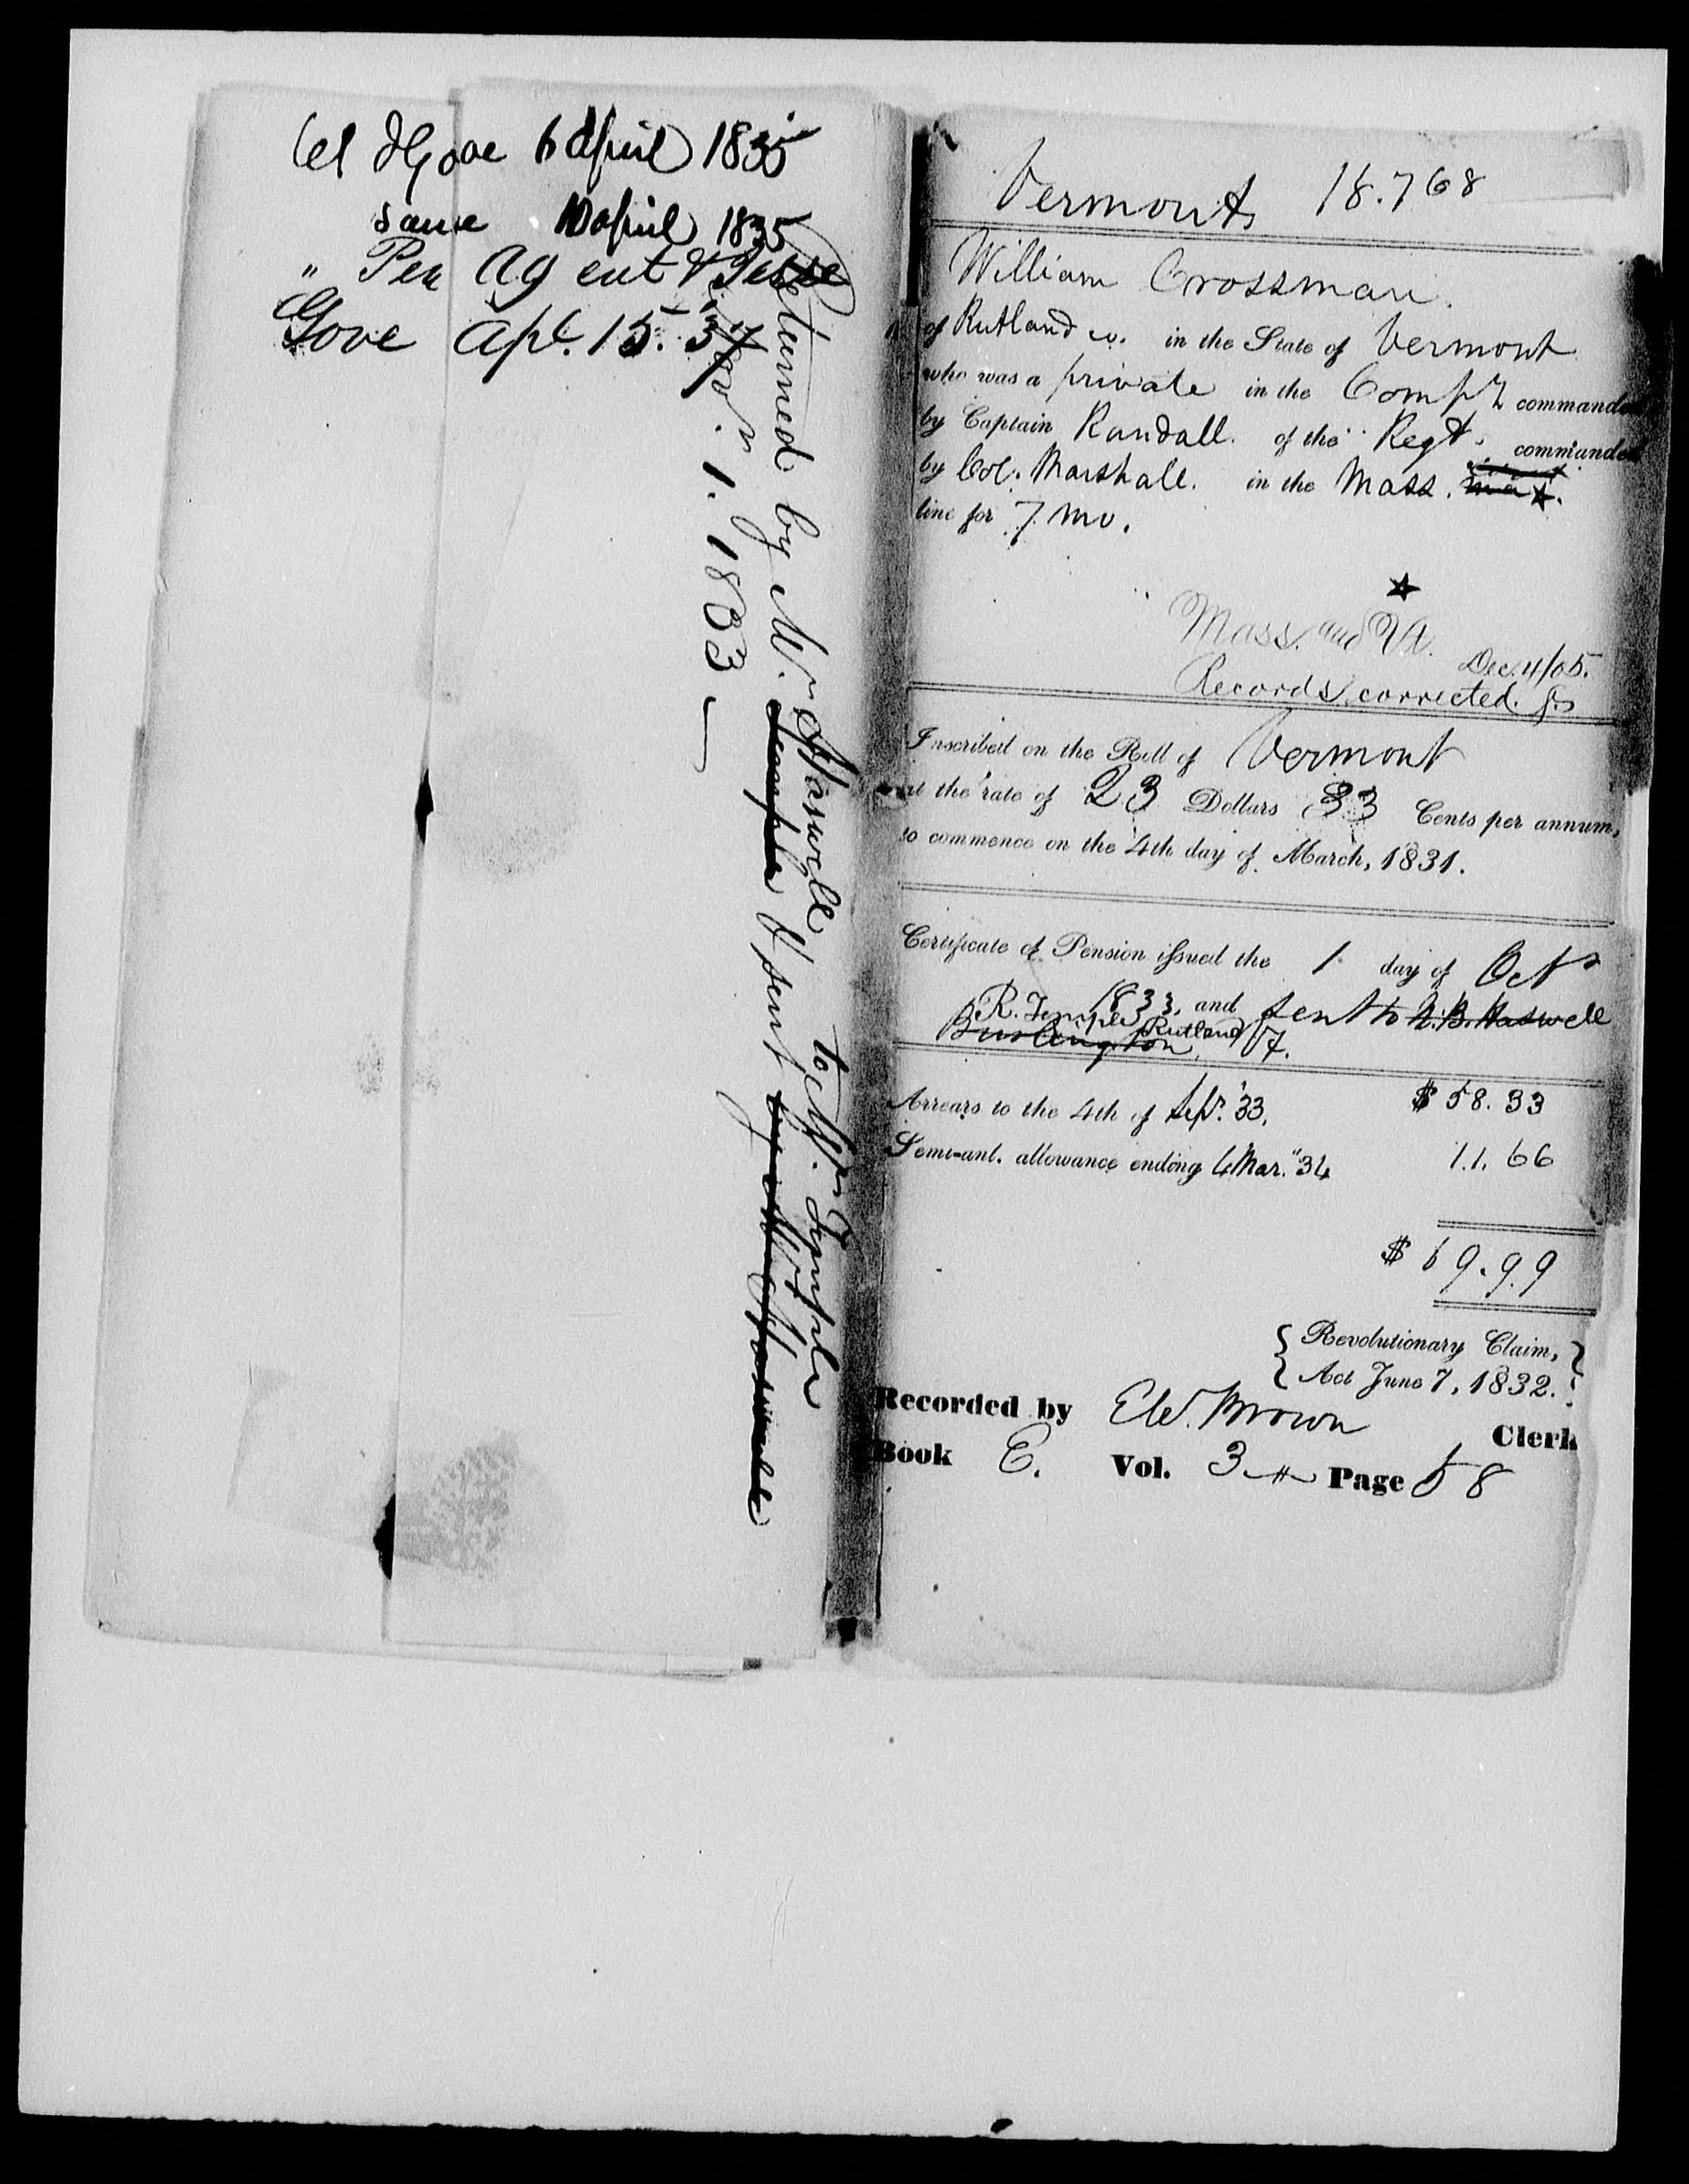6 April 1835
same 10 April 1835
Per Agent & Jesse
Gove Apl 15,37
Returned by W. Haswell and sent to W. Temple Nov 1. 1833

Vermont 18.768
William Crossman of Rutland in the State of Vermont who was a private in the Compy commanded by Captain Randall of the Regt commanded by Col. Marshall in the Mass. line for 7 mo.
Mass. and Vt.
Dec. 5/05.
Records corrected
Inscribed on the Roll of Vermont at the rate of 23 Dollars 33 Cents, to commence on the 4th day of March, 1831.
Certificate of Pension issued the 1 day of Oct 1833 and sent to N.B. Haswell R. Temple Rutland Vt
Arrears to the 4th of Sept. '33.   $58.33
Semi-anl. allowance ending 4 Mar.'36  11.66
$69.99
Revolutionary Claim, Act June 7, 1832.

Recorded by E.W. Brown Clerk
Book E. Vol. 3 Page 58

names: William Crossman, Igaac Odfiel, Tymple, E W Brown, Haswell, Marshall, Jesse Gove, Dafiel, Randall, R B Haswell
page: 2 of 33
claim: survivor's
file: S. 12632, William Crossman, Mass. Vt.